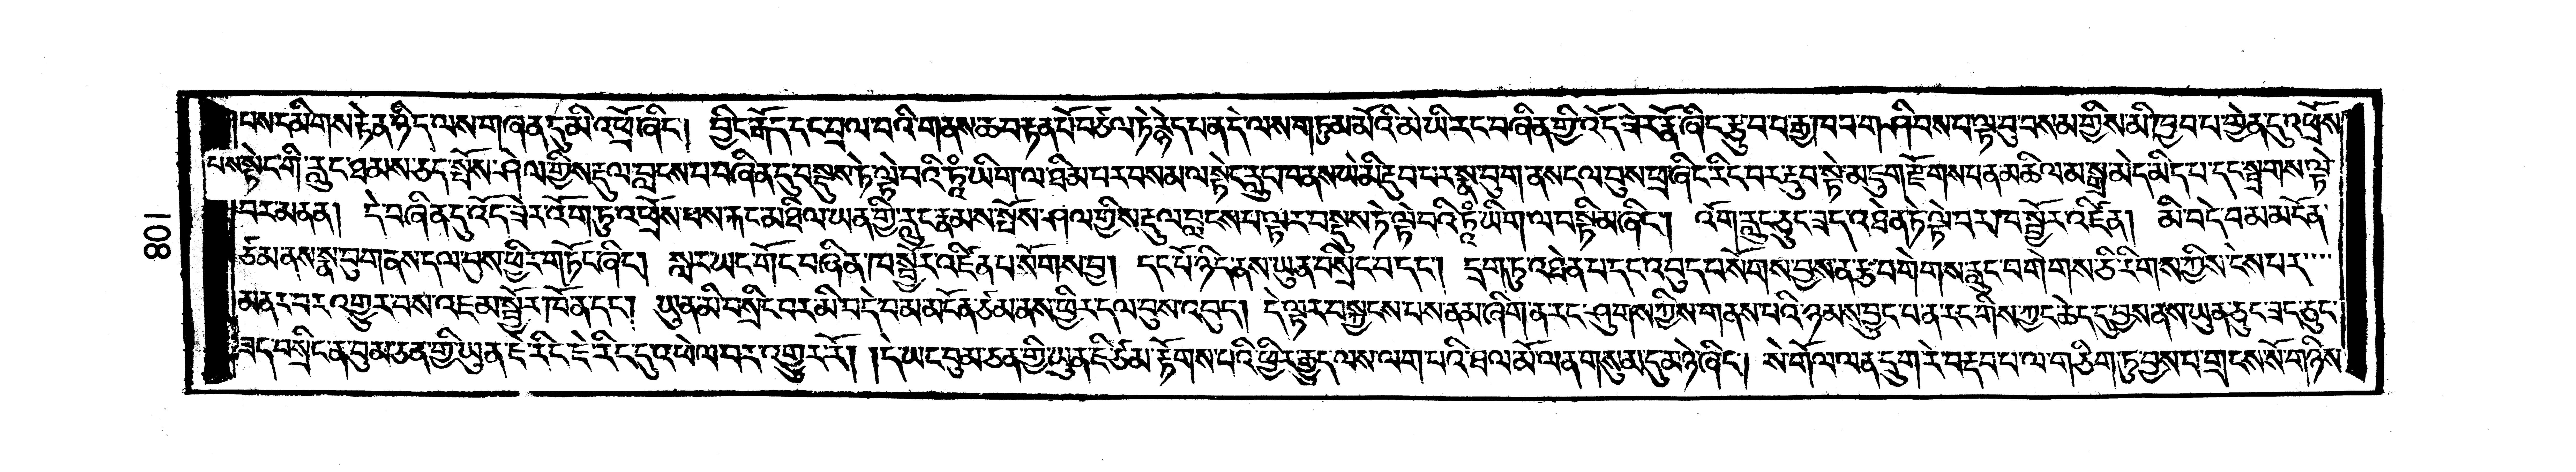པས་དམིགས་རྟེན་ཉིད་ལས་གཞན་དུ་མི་འཕྲོ་ཞིང་། བྱིང་རྒོད་དང་བྲལ་བའི་གནས་ཆ་བརྟན་པོ་བཙལ་ཏེ་རྙེད་པ་ན་དེ་ལས་གཏུམ་མོའི་མེའི་རང་བཞིན་གྱི་འོད་ཟེར་རྣོ་ཞིང་རྩུབ་པ་རྒྱ་ཁབ་གཤིབས་པ་ལྟ་བུ་བསམ་གྱིས་མི་ཁྱབ་པ་གྱེན་དུ་འཕྲོས་
པས་སྟེང་གི་རླུང་ཐམས་ཅད་སྤོས་ཤིལ་གྱིས་རྡུལ་བླངས་པ་བཞིན་དུ་བསྡུས་ཏེ་ལྟེ་བའི་ཏཱཾ་ཡིག་ལ་ཐིམ་པར་བསམས་ལ་སྟེང་རླུང་ཁ་ནས་ཡེ་མི་རྡུབ་པར་སྣ་བུག་ནས་ངལ་བུས་ཕྲ་ཞིང་རིང་བར་རྡུབ་སྟེ་མཇུག་རྫོགས་པ་ན་མཆིལ་མ་སྒྲ་མེད་མིད་པ་དང་སྦྲགས་ལྟེ་
པར་མནན། དེ་བཞིན་དུ་འོད་ཟེར་འོག་ཏུ་འཕྲོས་པས་རྐང་མཐིལ་ཡན་གྱི་རླུང་རྣམས་སྤོས་ཤེལ་གྱིས་རྡུལ་བླངས་པ་ལྟར་བསྡུས་ཏེ་ལྟེ་བའི་ཏཱཾ་ཡིག་ལ་བསྟིམ་ཞིང་། འོག་རླུང་ཅུང་ཟད་འཐེན་ཏེ་ལྟེ་བར་ཁ་སྦྱོར་འཛིན། མི་བདེ་བ་མ་མངོན་
ཙམ་ནས་སྣ་བུག་ནས་དལ་བུས་ཕྱིར་གཏོང་ཞིང་། སླར་ཡང་གོང་བཞིན་ཁ་སྦྱོར་འཛིན་པ་སོགས་བྱ། དང་པོ་ཉིད་ནས་ཡུན་བསྲིང་པ་དང་། དྲག་ཏུ་འཐེན་པ་དང་འབུད་པ་སོགས་བྱས་ན་རྩ་བགེགས་རླུང་བགེགས་ཅི་རིགས་ཀྱིས་ངེས་པར་
མནར་པར་འགྱུར་པས་འཇམ་སྦྱོར་ཁོན་དང་། ཡུན་མི་བསྲིང་བར་མི་བདེ་བ་མ་མངོན་ཙམ་ནས་ཕྱིར་དལ་བུས་འབུད། དེ་ལྟར་བསྐྱངས་པས་ནམ་ཞིག་ན་རང་ཤུགས་ཀྱིས་གནས་པའི་ཉམས་བྱུང་བ་ན་རང་གིས་ཀྱང་ཆེད་དུ་བྱས་ནས་ཡུན་ཅུང་ཟད་ཅུང་
ཟད་བསྲིང་ན་བུམ་ཅན་གྱི་ཡུན་ཇེ་རིང་ཇེ་རིང་དུ་འཕེལ་བར་འགྱུར་རོ། །དེ་ཡང་བུམ་ཅན་གྱི་ཡུན་ཇི་ཙམ་རྟོགས་པའི་ཕྱིར་རྒྱུད་ལས་ལག་པའི་ཐལ་མོ་ལན་གསུམ་དུ་མཉེ་ཞིང་། སེ་གོལ་ལན་དྲུག་རེ་བརྡབ་པ་ལ་གཅིག་ཏུ་བྱས་པ་གྲངས་སོ་གཉིས་